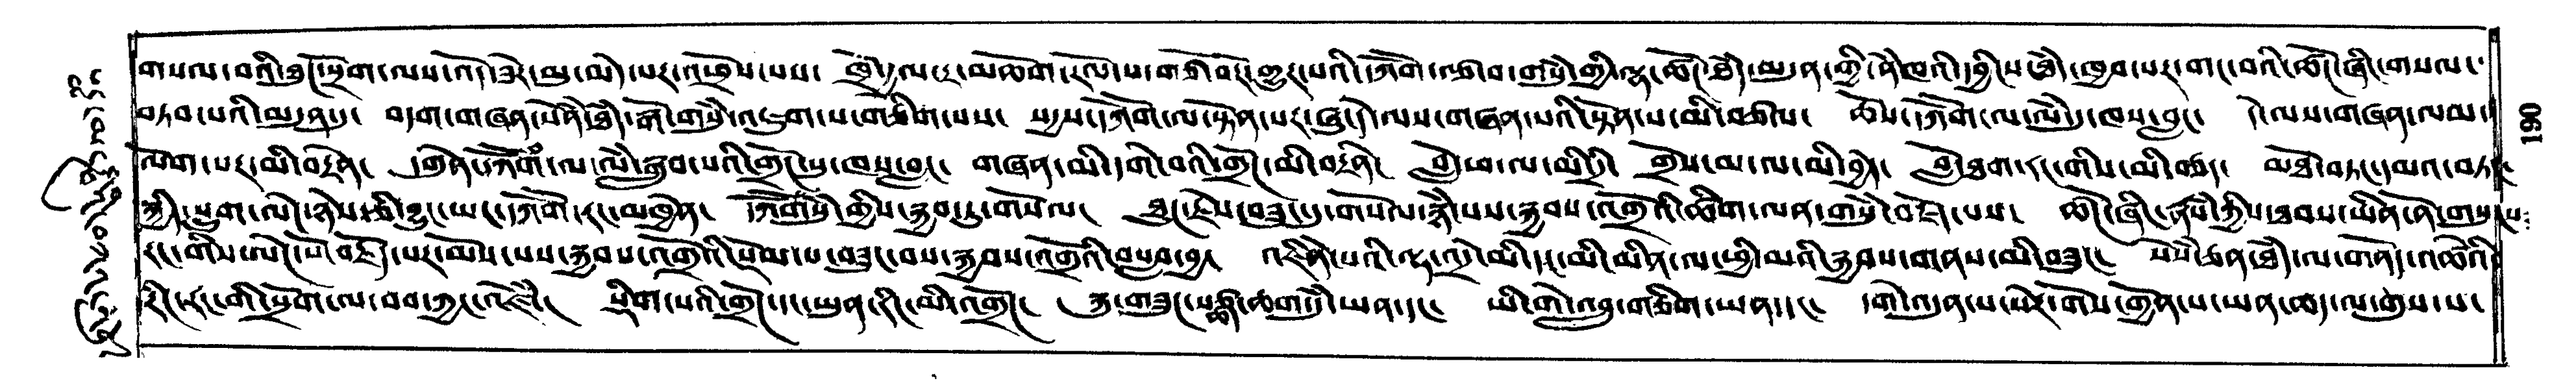གསལ་བའི་ཐུགས་སྲོག་ལས་འོད་ཟེར་མུ་མེད་པར་འཕྲོས་པས། ཁྲོ་རྒྱལ་རྟ་མཆོག་རོལ་པ་གཙོ་བོར་གྱུར་པའི་དཀོན་མཆོག་རྩ་བ་གསུམ་གྱི་ལྷ་ཚོགས་ཐམས་ཅད་བདུན་གྱི་ནམ་མཁའི་དབྱིངས་ཐམས་ཅད་ཁྱབ་པར་གང་བའི་ཚོགས་ཞིང་གསལ་
བཏབ་པའི་མདུན་དུ། བདག་གཞན་སེམས་ཅན་ཐམས་ཅད་སྒོ་གསུམ་འཇུག་པ་གཅིག་པས།སངས་རྒྱས་དཀོན་མཆོག་ལ་སྟོན་པར་ཞུ། དེ་ལས་གཞན་པའི་སྟོན་པ་མི་བཙལ། ཆོས་དཀོན་མཆོག་ལ་ལམ་དུ་ཁས་བླང་། དེ་ལས་གཞན་ལམ་
ལོག་པར་མི་བརྟེན། དགེ་འདུན་དཀོན་མཆོག་ལ་ལམ་སྒྲུབ་པའི་གྲོགས་སུ་ཁས་བླང་། གཞན་མི་དགེ་བའི་གྲོགས་མི་བསྟེན། བློ་ཕ་ལ་མི་འདྲི། གྲོས་མ་ལ་མི་བྱེད། བློ་ཐག་རང་གིས་མི་བཅད། མཐོ་བཏང་དམའ་བཏང་
སྐྱིད་སྡུག་ལེགས་ཉེས་ཅི་བྱུང་ཡང་དཀོན་མཆོག་རང་མཁྱེན། དཀོན་མཆོག་གསུམ་གྱིས་སྐྱབ་ཏུ་གསོལ། ཐུགས་རྗེ་བཟུང་དུ་གསོལ་སྙམ་པས་སྐྱབས་འགྲོའི་ཚིག་ལན་གསུམ་བརྗོད་པས། ཚོགས་ཞིང་རྣམས་ཀྱིས་ཐབས་ཡིན་ནོ་གསུངས། 
རང་གིས་ལེགས་སོ་བརྗོད་པར་མོས་པས་སྐྱབས་འགྲོའི་སྡོམ་པ་བཟུང་བས་སྐྱབས་འགྲོའི་བསླབ་བྱ། འཇིག་རྟེན་པའི་ལྷ་འདྲེ་མི་དང་མི་མིན་ལ་ཕྱི་མའི་སྐྱབས་གནས་མི་བཟུང་། སེམས་ཅན་ཐམས་ཅད་ལ་གནོད་འཚེའི་
རིགས་རང་གི་སྲོག་ལ་བབ་ཀྱང་འཛོམ། སྡིག་པའི་གྲོགས་དང་ཡུན་རིང་མི་འགྲོགས། སྐུ་གཟུགས་སཙྪ་ཆག་དུམ་ཡན་དང་། ཡི་གེ་འབྲུ་གཅིག་ཡན་དང་། དགེ་འདུན་པ་སེར་གོས་གྱོན་པ་ཡན་ཆད་ལ་གུས་པ་